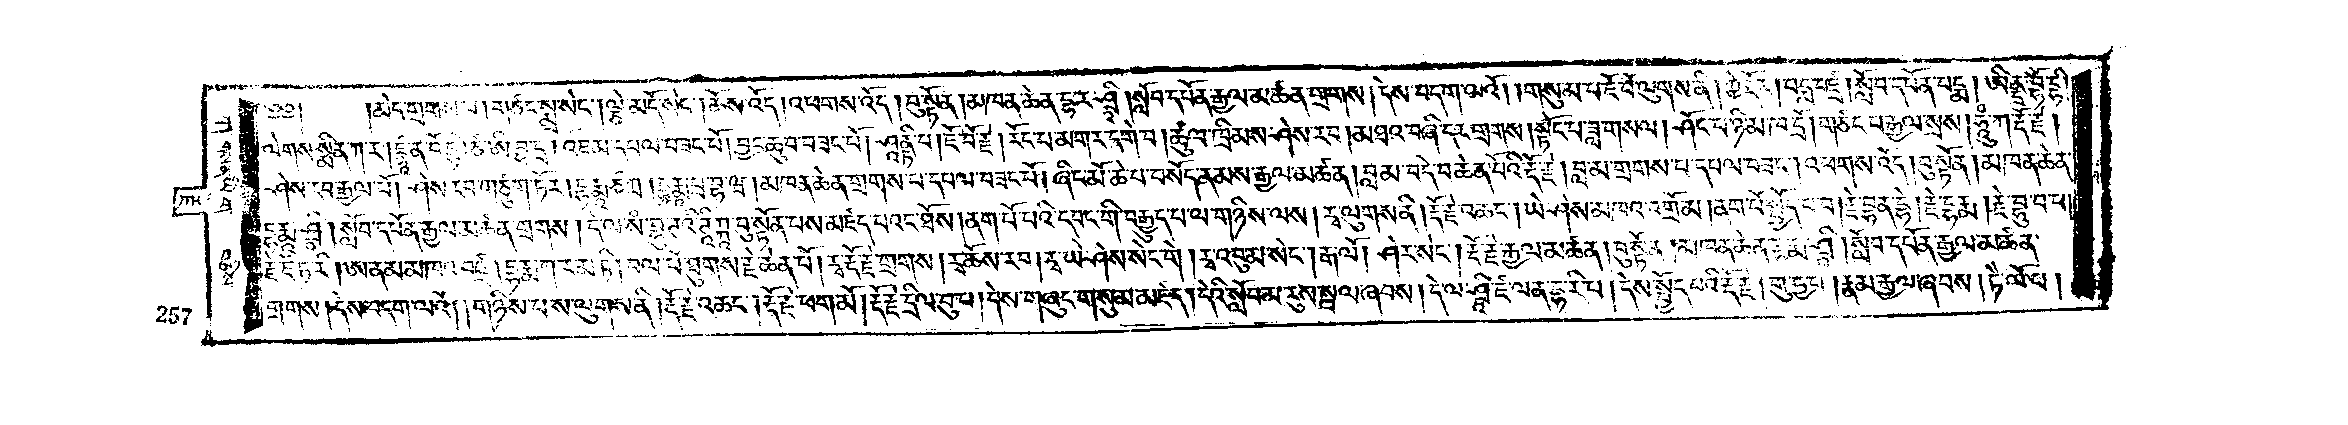༄༅། །མེད་གྲགས་པ། གཙང་སྨྲ་སེང་། ལྕེ་མདོ་སེང་། ཆོས་འོད། འཕགས་འོད། བུ་སྟོན། མཁན་ཆེན་དྷ་ར་ཤྲཱི། སློབ་དཔོན་རྒྱལ་མཚན་གྲགས། དེས་བདག་ལའོ། །གསུམ་པ་ཇོ་བོ་ལུགས་ནི། ཀྱེ་རྡོར། པདམ་བཛྲ། སློབ་དཔོན་པདམ། ཨིནྡྲ་བྷོ་དྷི།
ལེགས་སྨིན་ཀ་ར། ཛྙཱ་ན་བོ་དྷི། ཙ་ཡི་བྷ་དྲ། འཇམ་དཔལ་བཟང་པོ། བྱང་ཆུབ་བཟང་པོ། ཤཱནྟི་པ། ཇོ་བོ་རྗེ། རོང་པ་མགར་དགེ་བ། ཚུལ་ཁྲིམས་ཤེས་རབ། མཐའ་བཞི་དར་གྲགས། སྟོང་པ་ཟླ་གསལ། ཤོང་པ་ཉི་མ་ཁ་དྲོ། གཙང་པ་རྒྱལ་སྲས། ཧཱུཾ་ཀ་རྡོ་རྗེ།
ཤེས་རབ་རྒྱལ་པོ། ཤེས་རབ་གཙུག་ཏོར། དྷརྨཱ་ཙཀྲ། དྷརྨཱ་པྲ་བྷ་ཝ། མཁན་ཆེན་གྲགས་པ་དཔལ་བཟང་པོ། ཞིང་མོ་ཆེ་པ་བསོད་ནམས་རྒྱལ་མཚན། བླ་མ་བདེ་བ་ཆེན་པོའི་རྡོ་རྗེ། བླ་མ་གྲགས་པ་དཔལ་བཟང་། འཕགས་འོད། བུ་སྟོན། མཁན་ཆེན་
དྷྲྨཱ་ཤྲཱི། སློབ་དཔོན་རྒྱལ་མཚན་གྲགས། དེ་ལས་སཾ་བྷུ་ཊའི་ཏཱིཀྐཱ་བུ་སྟོན་པས་མཛད་པའང་ཐོས། ནག་པོ་པའི་དབང་གི་བརྒྱུད་པ་ལ་གཉིས་ལས། རྭ་ལུགས་ནི། རྡོ་རྗེ་འཆང་། ཡེ་ཤེས་མཁའ་འགྲོ་མ་།ནག་པོ་སྤྱོད་པ་བ། རྗེ་བྷན་དྷེ། རྗེ་དྷརྨ། རྗེ་བྷུ་བ་ཕ།
རྗེ་ཛེ་ཏ་རི། ཨ་ནམ་མཁའ་བྫྲ། དྷརྨ་ཀ་ར་མ་ཏི། བལ་པོ་ཐུགས་རྗེ་ཆེན་པོ། རྭ་རྡོ་རྗེ་གྲགས། རྭ་ཆོས་རབ། རྭ་ཡེ་ཤེས་སེང་གེ །རྭ་འབུ་མ་ཤེང་། རྒ་ལོ། ཤེར་སེང་། རྡོ་རྗེ་རྒྱལ་མཚན། བུ་སྟོན་།མཁན་ཆེན་དྷརྨ་ཤྲཱི། སློབ་དཔོན་རྒྱལ་མཚན་
གྲགས། དེས་བདག་ལའོ། །གཉིས་པས་ལུགས་ནི། རྡོ་རྗེ་འཆང་། རྡོ་རྗེ་ཕག་མོ། རྡོ་རྗེ་དྲིལ་བུ་པ། དེས་གཞུང་གསུམ་མཛད། དེའི་སློབ་མ་རུས་སྦལ་ཞབས། དེ་ལ་ཤྲཱི་ཛ་ལན་དྷ་རི་པ། དེས་སྤྱོད་པའི་རྡོ་རྗེ། གུ་ཧྱ་པ། རྣམ་རྒྱལ་ཞབས། ཏཻ་ལོ་པ།